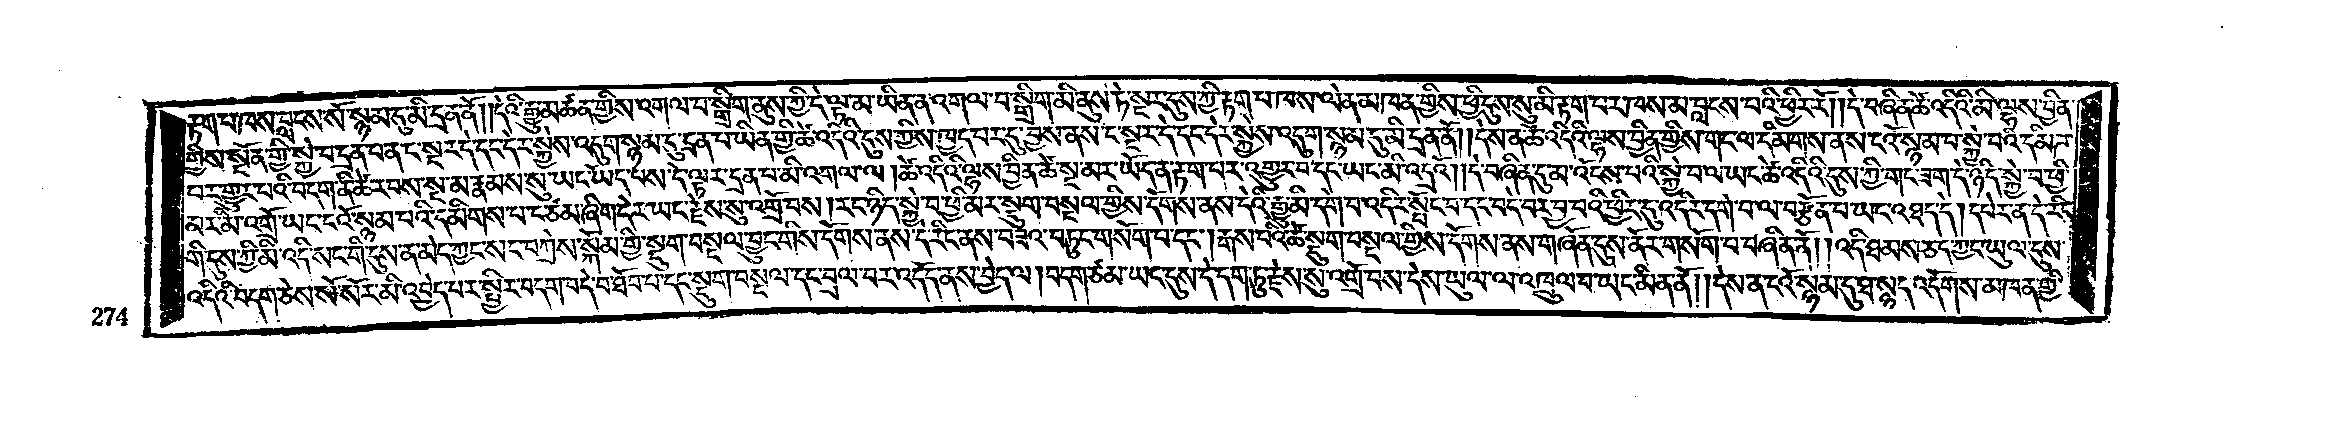རྟག་པ་ཁས་བླངས་སོ་སྙམ་དུ་མི་དྲན་ནོ། །དེའི་རྒྱུ་མཚན་གྱིས་འགལ་བ་སྒྲིག་ནུས་ཀྱི་དེ་ལྟ་མ་ཡིན་ན་འགལ་བ་སྒྲིག་མི་ནུས་ཏེ་སྔར་དུས་ཀྱི་རྟག་པ་ཁས་ལེན་མཁན་གྱིས་ཕྱི་དུས་སུ་མི་རྟག་པར་ཁས་མ་བླངས་པའི་ཕྱིར་རོ། །དེ་བཞིན་ཚེ་འདིའི་མི་ལྷས་བྱིན་
གྱིས་སྔན་གྱི་སྐྱེ་བ་དྲན་པ་ན་ང་སྔར་དེ་དང་དེར་སྐྱེས་འདུག་སྙམ་དུ་དྲན་པ་ཡིན་གྱི་ཚེ་འདིའི་དུས་ཀྱིས་ཁྱད་པར་དུ་བྱས་ནས་ང་སྔར་དེ་དང་དེར་སྐྱེས་འདུག་སྙམ་དུ་མི་དྲན་ནོ། །དེས་ན་ཚེ་འདིའི་ལྷས་བྱིན་གྱིས་གང་ལ་དམིགས་ནས་ངའོ་སྙམ་པ་སྐྱེ་བའི་དམིཌ་
པར་གྱུར་པའི་བདག་ནི་ཚེ་རབས་སྔ་མ་རྣམས་སུ་ཡང་ཡོད་པས་དེ་ལྟར་དྲན་པ་མི་འགལ་ལ། ཚེ་འདིའི་ལྷས་བྱིན་ཚེ་སྔ་མར་ཡོད་ན་རྟག་པར་འགྱུར་བ་དང་ཡང་མི་འདྲའོ། །དེ་བཞིན་དུ་མ་འོངས་པའི་སྐྱེ་བ་ལ་ཡང་ཚེ་འདིའི་དུས་ཀྱི་གང་ཟག་དེ་ཉིད་སྐྱེ་བ་ཕྱི་
མར་མི་འགྲོ་ཡང་ངའོ་སྙམ་པའི་དམིགས་པ་ང་ཙམ་ཞིག་དེང་ཡང་རྗེས་སུ་འགྲོ་བས། རང་ཉིད་སྐྱེ་བ་ཕྱི་མར་སྡུག་བསྔལ་གྱིས་དོགས་ནས་དེའི་རྒྱུ་མི་དགེ་བ་འདིར་སྤོང་བ་དང་བདེ་བར་བྱ་བའི་ཕྱིར་དུ་འདིར་དགེ་བ་ལ་བརྩོན་པ་ཡང་འཐད་དེ། དཔེར་ན་དེ་རིང་
གི་དུས་ཀྱི་མི་འདི་སང་གི་དུས་ན་མེད་ཀྱང་སང་བཀྲེས་སྐོམ་གྱི་སྡུག་བསྔལ་བྱུང་གིས་དོགས་ནས་དེ་རིང་ནས་བཟའ་བཏུང་གསོག་པ་དང་། རྒས་པའི་ཚེ་སྡུག་བསྔལ་གྱིས་དོགས་ནས་གཞོན་དུས་ནོར་གསོག་པ་བཞིན་ནོ། །འདི་ཐམས་ཅད་ཀྱང་ཡུལ་དུས་
འདིའི་བདག་ཅེས་སོ་སོར་མི་འབྱེད་པར་སྤྱིར་བདག་བདེ་བ་ཐོབ་པ་དང་སྡུག་བསྔལ་དང་བྲལ་བར་འདོད་ནས་བྱེད་ལ། བདག་ཙམ་ཡང་དུས་དེ་དག་ཏུ་རྗེས་སུ་འགྲོ་བས་དེས་ཡུལ་ལ་འཁྲུལ་པ་ཡང་མིན་ནོ། །དེས་ན་ངའོ་སྙམ་དུ་ཐ་སྙད་འདོགས་མཁན་གྱི་